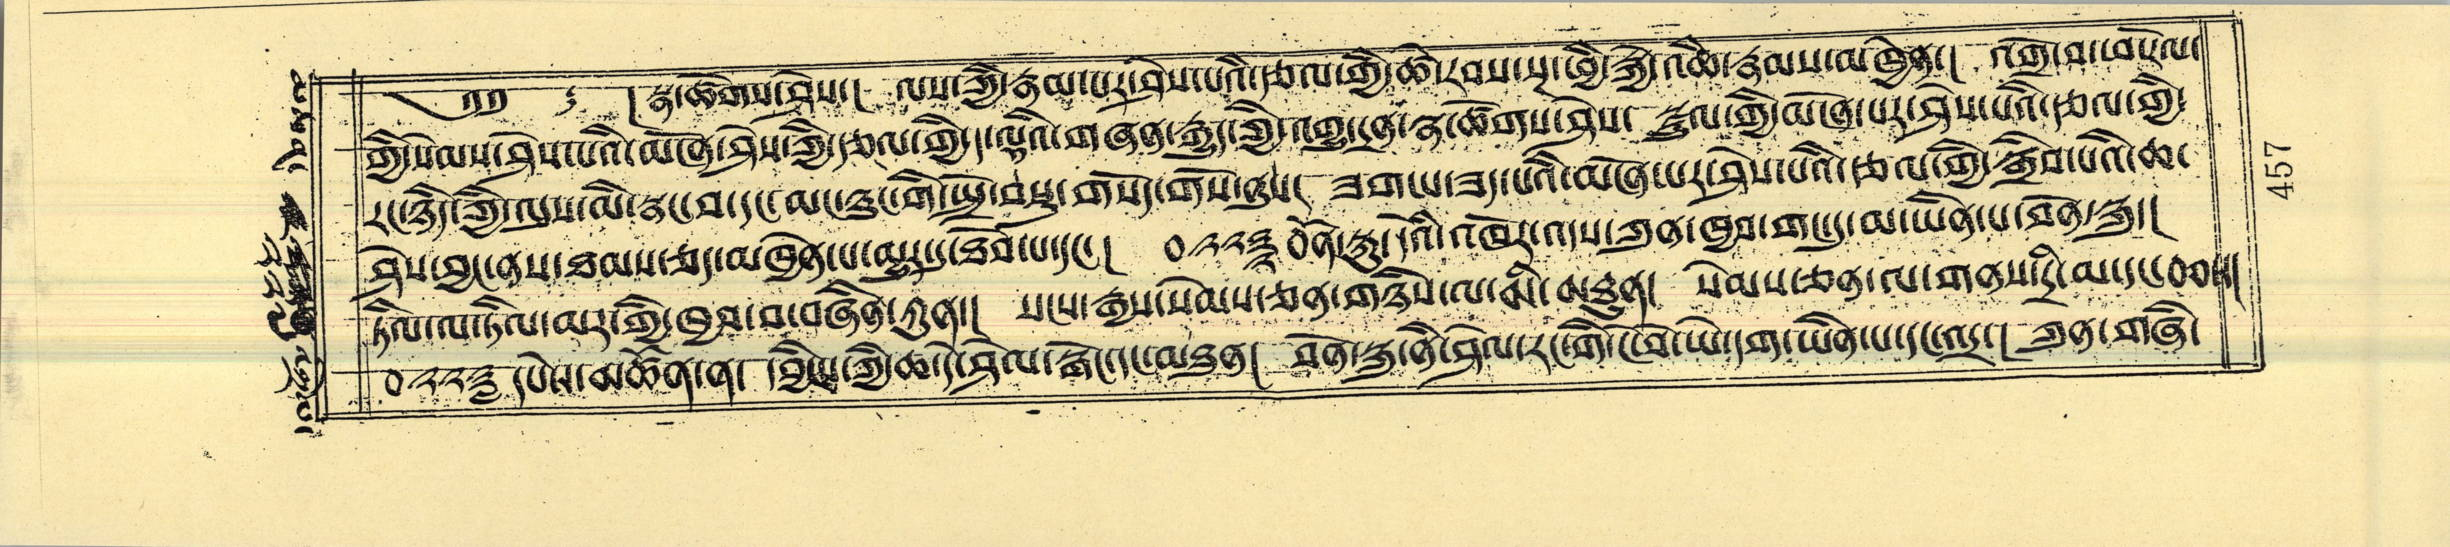སྣ་ཚོགས་ཤེས། ལས་ཀྱི་རྣམ་པར་ཤེས་པའི་རྩལ་གྱི་ཚེ་རབས་སྔ་ཕྱི་སྐྱེ་འཆི་རྣམས་མཁྱེན། འགྲོ་བ་ཕ་རོལ་
གྱི་སེམས་ཤེས་པའི་མངོན་ཤེས་ཀྱི་རྩལ་གྱི་ད་ལྟའི་གཞན་རྒྱུད་ཀྱི་འགྱུ་དྲན་སྣ་ཚོགས་ཤེས། རྫུ་འཕྲུལ་གྱི་མངོན་པར་ཤེས་པའི་རྩལ་གྱིས་
རང་ཉིད་ཀྱི་ལུས་མི་སྣང་བ་དང་མང་ཉུང་གི་སྤྲོ་བསྡུ་གསད་གསོ་ནུས། ཟག་པ་ཟད་པའི་མངོན་པར་ཤེས་པའི་རྩལ་གྱིས་སྒྲིབ་པའི་ཆ་
ཤེས་བྱང་ནས་ཐམས་ཅད་མཁྱེན་པ་མྱུར་དུ་ཐོབ་པ་དང་། བ༢༢༣།༢༼བོན་སྐུ༽དེའི་འཁོར་འདས་ཀུན་ཁྱབ་གང་དུ་མ་ཡིན་པ་བོན་སྐུ་
ཏིལ་ལ་ཏིལ་མར་གྱིས་ཁྱབ་པ་བཞིན་༼ཀུན༽སངས་རྒྱས་སེམས་ཅན་གཉིས་ལ་༼མི་མཐུན༽སེམས་ཅན་ལ་གནས་དྲི་མ་དང་༼བཅས༽
བ༢༢༣།༼དཔེས་མཚོན་ན༽དབྱིངས་ཀྱི་ཆ་དེ་ཤེལ་སྒོང་དང་མཐུན། བོན་སྐུ་ནི་ཤེལ་རང་གི་ངོ་བོ་ཡེ་དག་ཡིན་པ་དང་འདྲ། ཀུན་གཞི་